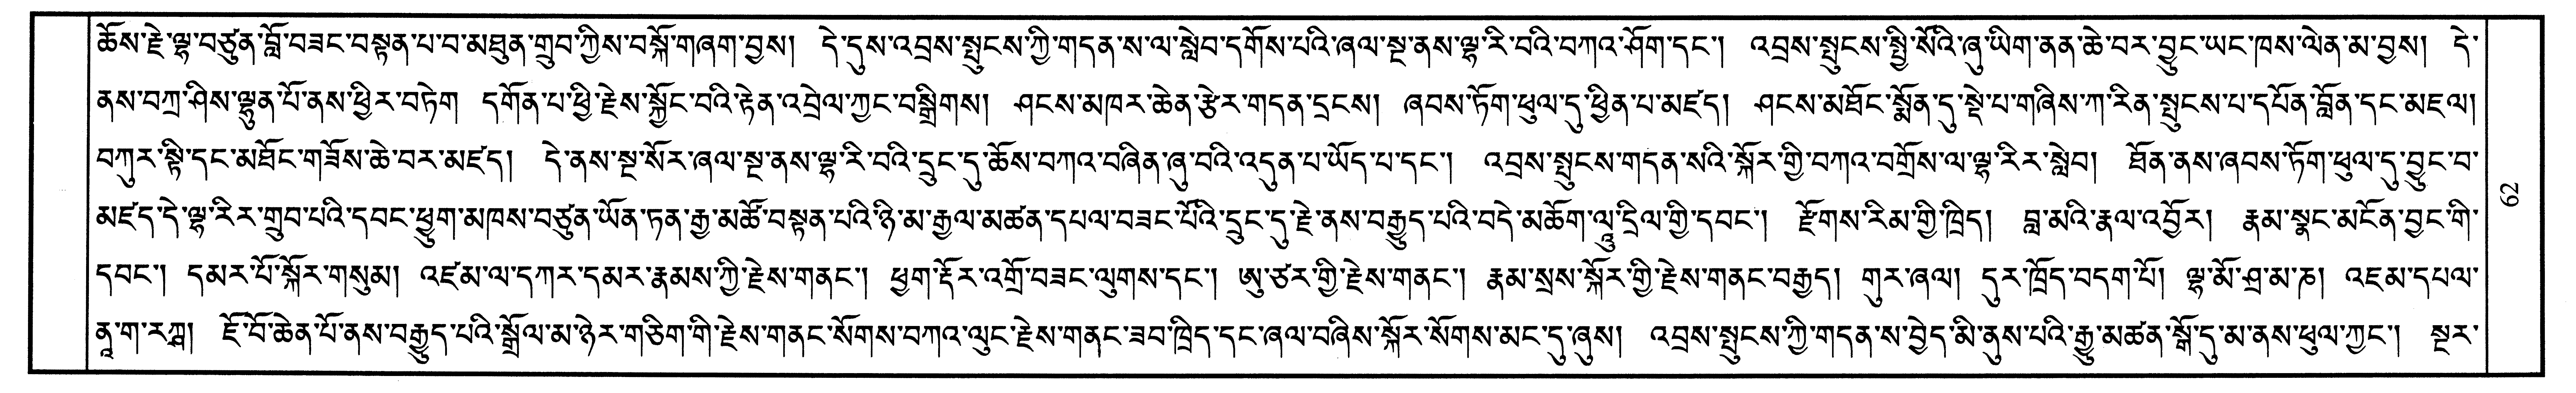ཆོས་རྗེ་ལྷ་བཙུན་བློ་བཟང་བསྟན་པ་བ་མཐུན་གྲུབ་ཀྱིས་བསྐོ་གཞག་བྱས། དེ་དུས་འབྲས་སྤུངས་ཀྱི་གདན་ས་ལ་སླེབ་དགོས་པའི་ཞལ་སྔ་ནས་ལྷ་རི་བའི་བཀའ་ཤོག་དང་། འབྲས་སྤུངས་སྤྱི་སོའི་ཞུ་ཡིག་ནན་ཆེ་བར་བྱུང་ཡང་ཁས་ལེན་མ་བྱས། དེ་
ནས་བཀྲ་ཤིས་ལྷུན་པོ་ནས་ཕྱིར་བཏེག །དགོན་པ་ཕྱི་རྗེས་སྐྱོང་བའི་རྟེན་འབྲེལ་ཀྱང་བསྒྲིགས། ཤངས་མཁར་ཆེན་རྩེར་གདན་དྲངས། ཞབས་ཏོག་ཕུལ་དུ་ཕྱིན་པ་མཛད། ཤངས་མཐོང་སྨོན་དུ་སྡེ་པ་གཞིས་ཀ་རིན་སྤུངས་པ་དཔོན་བློན་དང་མཇལ།
བཀུར་སྟི་དང་མཐོང་གཟོས་ཆེ་བར་མཛད། དེ་ནས་སྔ་སོར་ཞལ་སྔ་ནས་ལྷ་རི་བའི་དྲུང་དུ་ཆོས་བཀའ་བཞིན་ཞུ་བའི་འདུན་པ་ཡོད་པ་དང་། འབྲས་སྤུངས་གདན་སའི་སྐོར་གྱི་བཀའ་བགྲོས་ལ་ལྷ་རིར་སླེབ། ཐོན་ནས་ཞབས་ཏོག་ཕུལ་དུ་བྱུང་བ་
མཛད་དེ་ལྷ་རིར་གྲུབ་པའི་དབང་ཕྱུག་མཁས་བཙུན་ཡོན་ཏན་རྒྱ་མཚོ་བསྟན་པའི་ཉི་མ་རྒྱལ་མཚན་དཔལ་བཟང་པོའི་དྲུང་དུ་རྗེས་ནས་བརྒྱུད་པའི་བདེ་མཆོག་ལཱུ་དྲིལ་གྱི་དབང་། རྫོགས་རིམ་གྱི་ཁྲིད། བླ་མའི་རྣལ་འབྱོར། རྣམ་སྣང་མངོན་བྱང་གི་
དབང་། དམར་པོ་སྐོར་གསུམ། འཛམ་ལ་དཀར་དམར་རྣམས་ཀྱི་རྗེས་གནང་། ཕྱག་རྡོར་འགྲོ་བཟང་ལུགས་དང་། ཨུ་ཙར་གྱི་རྗེས་གནང་། རྣམ་སྲས་སྐོར་གྱི་རྗེས་གནང་བརྒྱད། གུར་ཞལ། དུར་ཁྲོད་བདག་པོ། ལྷ་མོ་ཤྲ་མ་ཎ། འཇམ་དཔལ་
ནཱ་ག་རཀྵ། ཇོ་བོ་ཆེན་པོ་ནས་བརྒྱུད་པའི་སྒྲོལ་མ་ཉེར་གཅིག་གི་རྗེས་གནང་སོགས་བཀའ་ལུང་རྗེས་གནང་ཟབ་ཁྲིད་དང་ཞལ་བཞིས་སྐོར་སོགས་མང་དུ་ཞུས། འབྲས་སྤུངས་ཀྱི་གདན་ས་བྱེད་མི་ནུས་པའི་རྒྱུ་མཚན་སྒོ་དུ་མ་ནས་ཕུལ་ཀྱང་། སྔར་